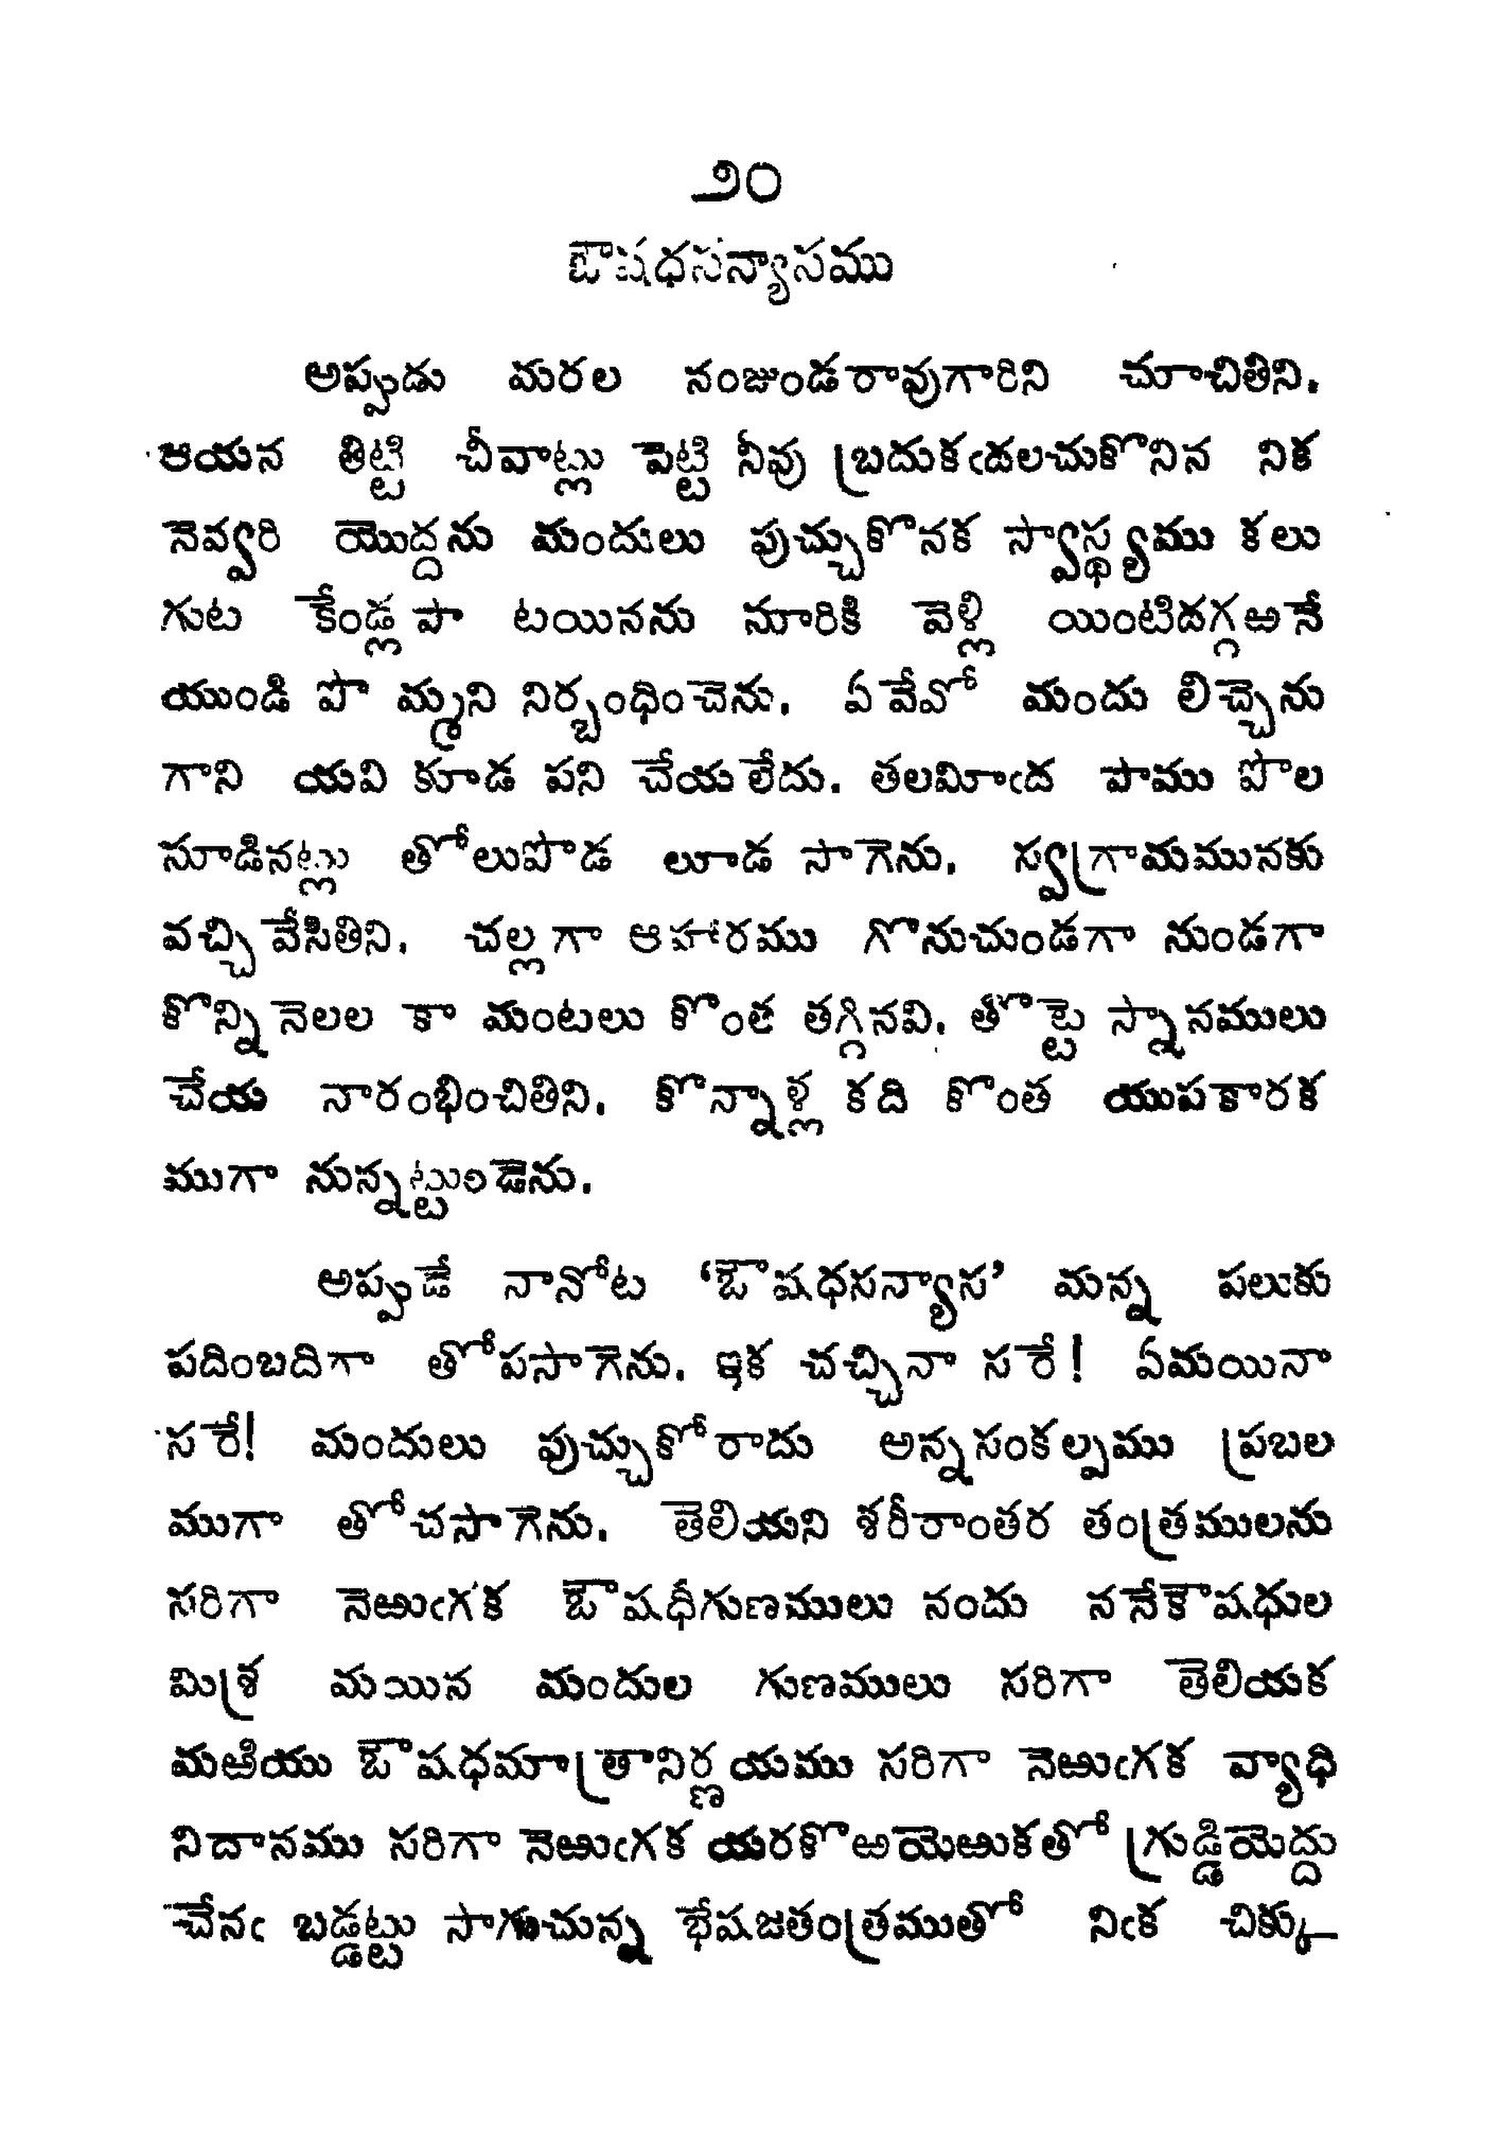అప్పడు మరల నంజుండరావుగారిని చూచితిని, ఆయన తిట్టి చివాట్లు పెట్టి నీవు బ్రదుకఁదలచుకొనిన నిక నెవ్వరి యొద్దను మందులు పుచ్చుకోనక స్వాస్ధ్యము కలుగుత కేండ్ల పా టయినను నూరికి వెళ్ళి యింటిదగ్గఱనె ఉంది పొమ్మని నిర్భందించెను. ఏవేవో మందు లిచ్చెను గాని యవి కూడ పని చేయలేదు. తలమీద పాము పొల సూడినట్లు తోలుపోడ లూడసాగెను. స్వగ్రామమునకు వచ్చివేసితిని, చల్లగా ఆహారము గోనుచుండగా నుండగా కొన్ని నెలలు కామంటలు కొంత తగ్గినవి, తొట్టె స్నానములు చేయ నారంభించితిని, కొన్నాళ్ళ కది కొంత యుపకారక ముగా నున్నట్టుండెను.

అప్పడే నానోట 'ఔషధసన్యాస' మన్న పలుకు పదింబదిగా రాసాగెను. ఇక చచ్చినా సరే! ఏమయినా సరే! మందులు పుచ్చుకోరాదు అన్న సంకల్పము ప్రబలముగా తోచసాగెను. తెలియని శరీరంతర తంత్రములను సరిగా నెఱుఁగక, ఔషధీగుణములు, నందు ననేకౌషధులు మిశ్ర మయిన మందుల గుణములు సరిగా నెఱుగక, వ్యాధి నిదానము సరిగా నెఱుగక యరకొఱయెఱుకతో గ్రుడ్డియెద్దు చేన బడ్డట్టు సాగుచున్న భేషజతంత్రముతో నింక చిక్కు